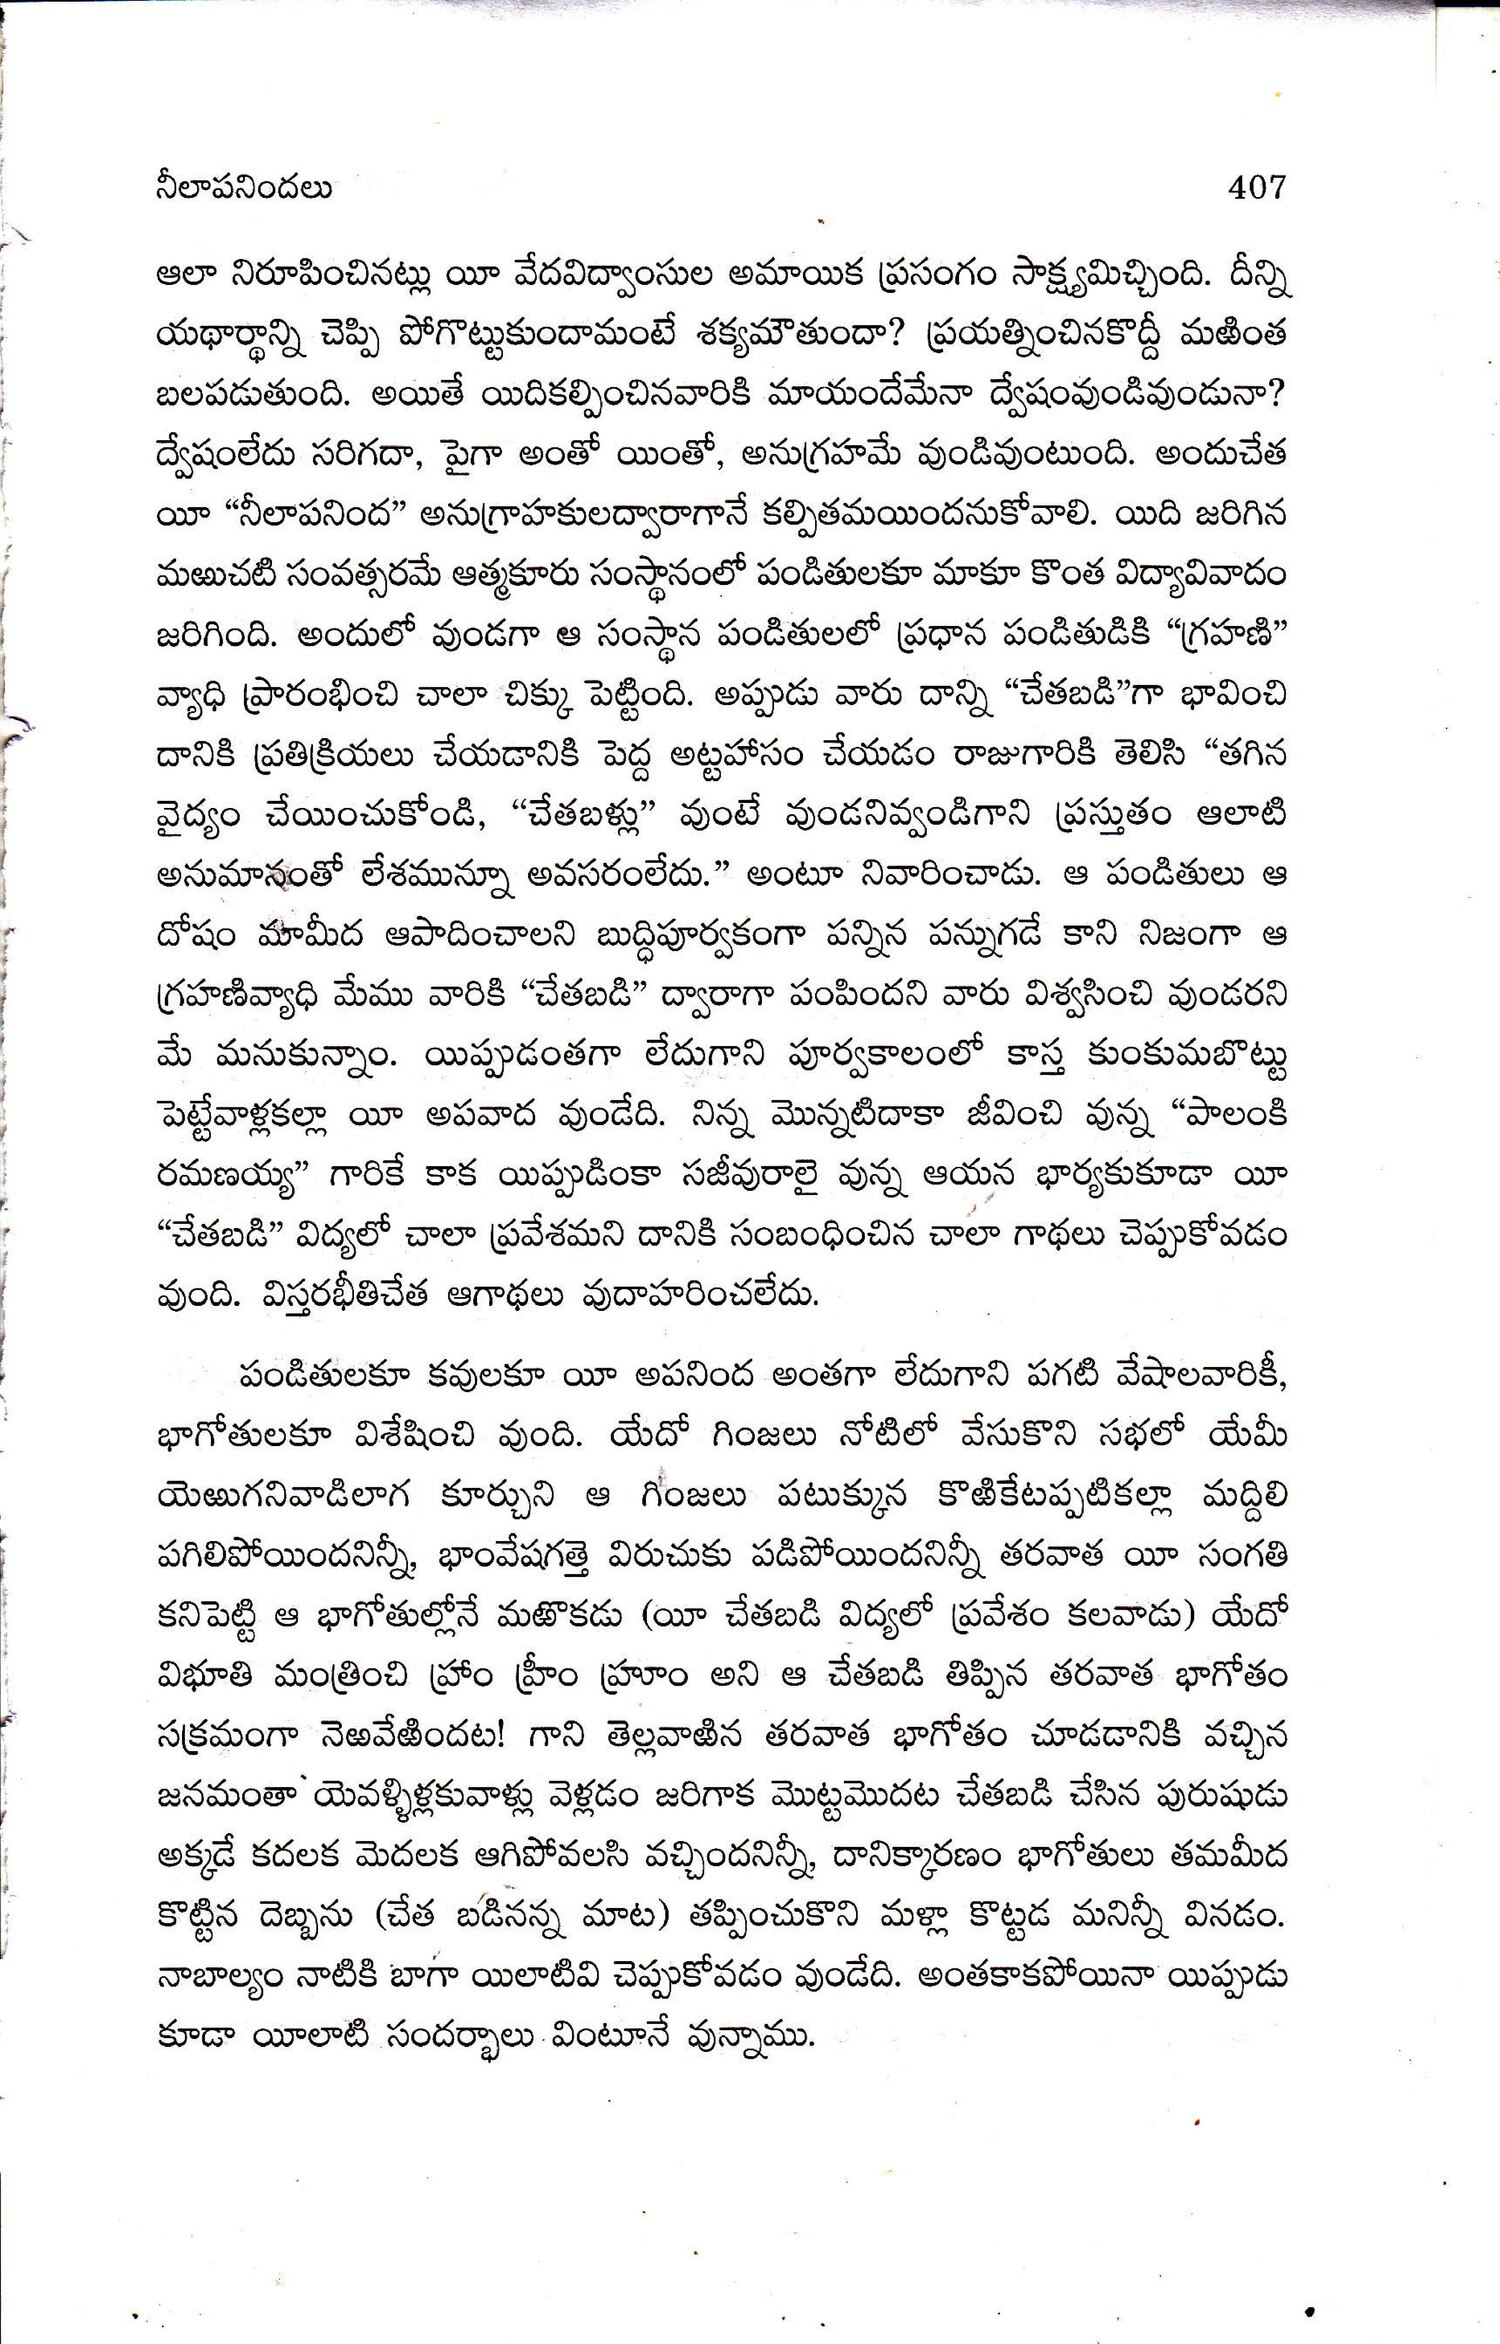ఆలా నిరూపించినట్లు యీ వేదవిద్వాంసుల అమాయిక ప్రసంగం సాక్ష్యమిచ్చింది. దీన్ని యథార్థాన్ని చెప్పి పోగొట్టుకుందామంటే శక్యమౌతుందా? ప్రయత్నించినకొద్దీ మఱింత బలపడుతుంది. అయితే యిదికల్పించినవారికి మాయందేమేనా ద్వేషంవుండివుండునా? ద్వేషంలేదు సరిగదా, పైగా అంతో యింతో, అనుగ్రహమే వుండివుంటుంది. అందుచేత యీ “నీలాపనింద" అనుగ్రాహకులద్వారాగానే కల్పితమయిందనుకోవాలి. యిది జరిగిన మఱుచటి సంవత్సరమే ఆత్మకూరు సంస్థానంలో పండితులకూ మాకూ కొంత విద్యావివాదం జరిగింది. అందులో వుండగా ఆ సంస్థాన పండితులలో ప్రధాన పండితుడికి “గ్రహణి" వ్యాధి ప్రారంభించి చాలా చిక్కు పెట్టింది. అప్పడు వారు దాన్ని “చేతబడి"గా భావించి దానికి ప్రతిక్రియలు చేయడానికి పెద్ద అట్టహాసం చేయడం రాజుగారికి తెలిసి "తగిన వైద్యం చేయించుకోండి, “చేతబళ్లు" వుంటే వుండనివ్వండిగాని ప్రస్తుతం ఆలాటి అనుమానంతో లేశమున్నూ అవసరంలేదు.” అంటూ నివారించాడు. ఆ పండితులు ఆ దోషం మామీద ఆపాదించాలని బుద్ధిపూర్వకంగా పన్నిన పన్నుగడే కాని నిజంగా ఆ గ్రహణివ్యాధి మేము వారికి "చేతబడి" ద్వారాగా పంపిందని వారు విశ్వసించి వుండరని మే మనుకున్నాం. యిప్పడంతగా లేదుగాని పూర్వకాలంలో కాస్త కుంకుమబొట్టు పెట్టేవాళ్లకల్లా యీ అపవాద వుండేది. నిన్న మొన్నటిదాకా జీవించి వున్న “పాలంకి రమణయ్య" గారికే కాక యిప్పుడింకా సజీవురాలై వున్న ఆయన భార్యకుకూడా యీ "చేతబడి" విద్యలో చాలా ప్రవేశమని దానికి సంబంధించిన చాలా గాథలు చెప్పకోవడం వుంది. విస్తరభీతిచేత ఆగాథలు వుదాహరించలేదు.

పండితులకూ కవులకూ యీ అపనింద అంతగా లేదుగాని పగటి వేషాలవారికీ, భాగోతులకూ విశేషించి వుంది. యేదో గింజలు నోటిలో వేసుకొని సభలో యేమీ యెఱుగనివాడిలాగ కూర్చుని ఆ గింజలు పటుక్కున కొటికేటప్పటికల్లా మద్దిలి పగిలిపోయిందనిన్నీ భాంవేషగత్తె విరుచుకు పడిపోయిందనిన్నీ తరవాత యీ సంగతి కనిపెట్టి ఆ భాగోతుల్లోనే మఱొకడు (యీ చేతబడి విద్యలో ప్రవేశం కలవాడు) యేదో విభూతి మంత్రించి హ్రాం హ్రీం హ్రూం అని ఆ చేతబడి తిప్పిన తరవాత భాగోతం సక్రమంగా నెఱవేఱిందట! గాని తెల్లవాఱిన తరవాత భాగోతం చూడడానికి వచ్చిన జనమంతా యెవళ్ళిళ్లకువాళ్లు వెళ్లడం జరిగాక మొట్టమొదట చేతబడి చేసిన పురుషుడు అక్కడే కదలక మెదలక ఆగిపోవలసి వచ్చిందనిన్నీ దానిక్కారణం భాగోతులు తమమీద కొట్టిన దెబ్బను (చేత బడినన్న మాట) తప్పించుకొని మళ్లా కొట్టడ మనిన్నీ వినడం. నాబాల్యం నాటికి బాగా యిలాటివి చెప్పుకోవడం వుండేది. అంతకాకపోయినా యిప్పుడు కూడా యీలాటి సందర్భాలు వింటూనే వున్నాము.